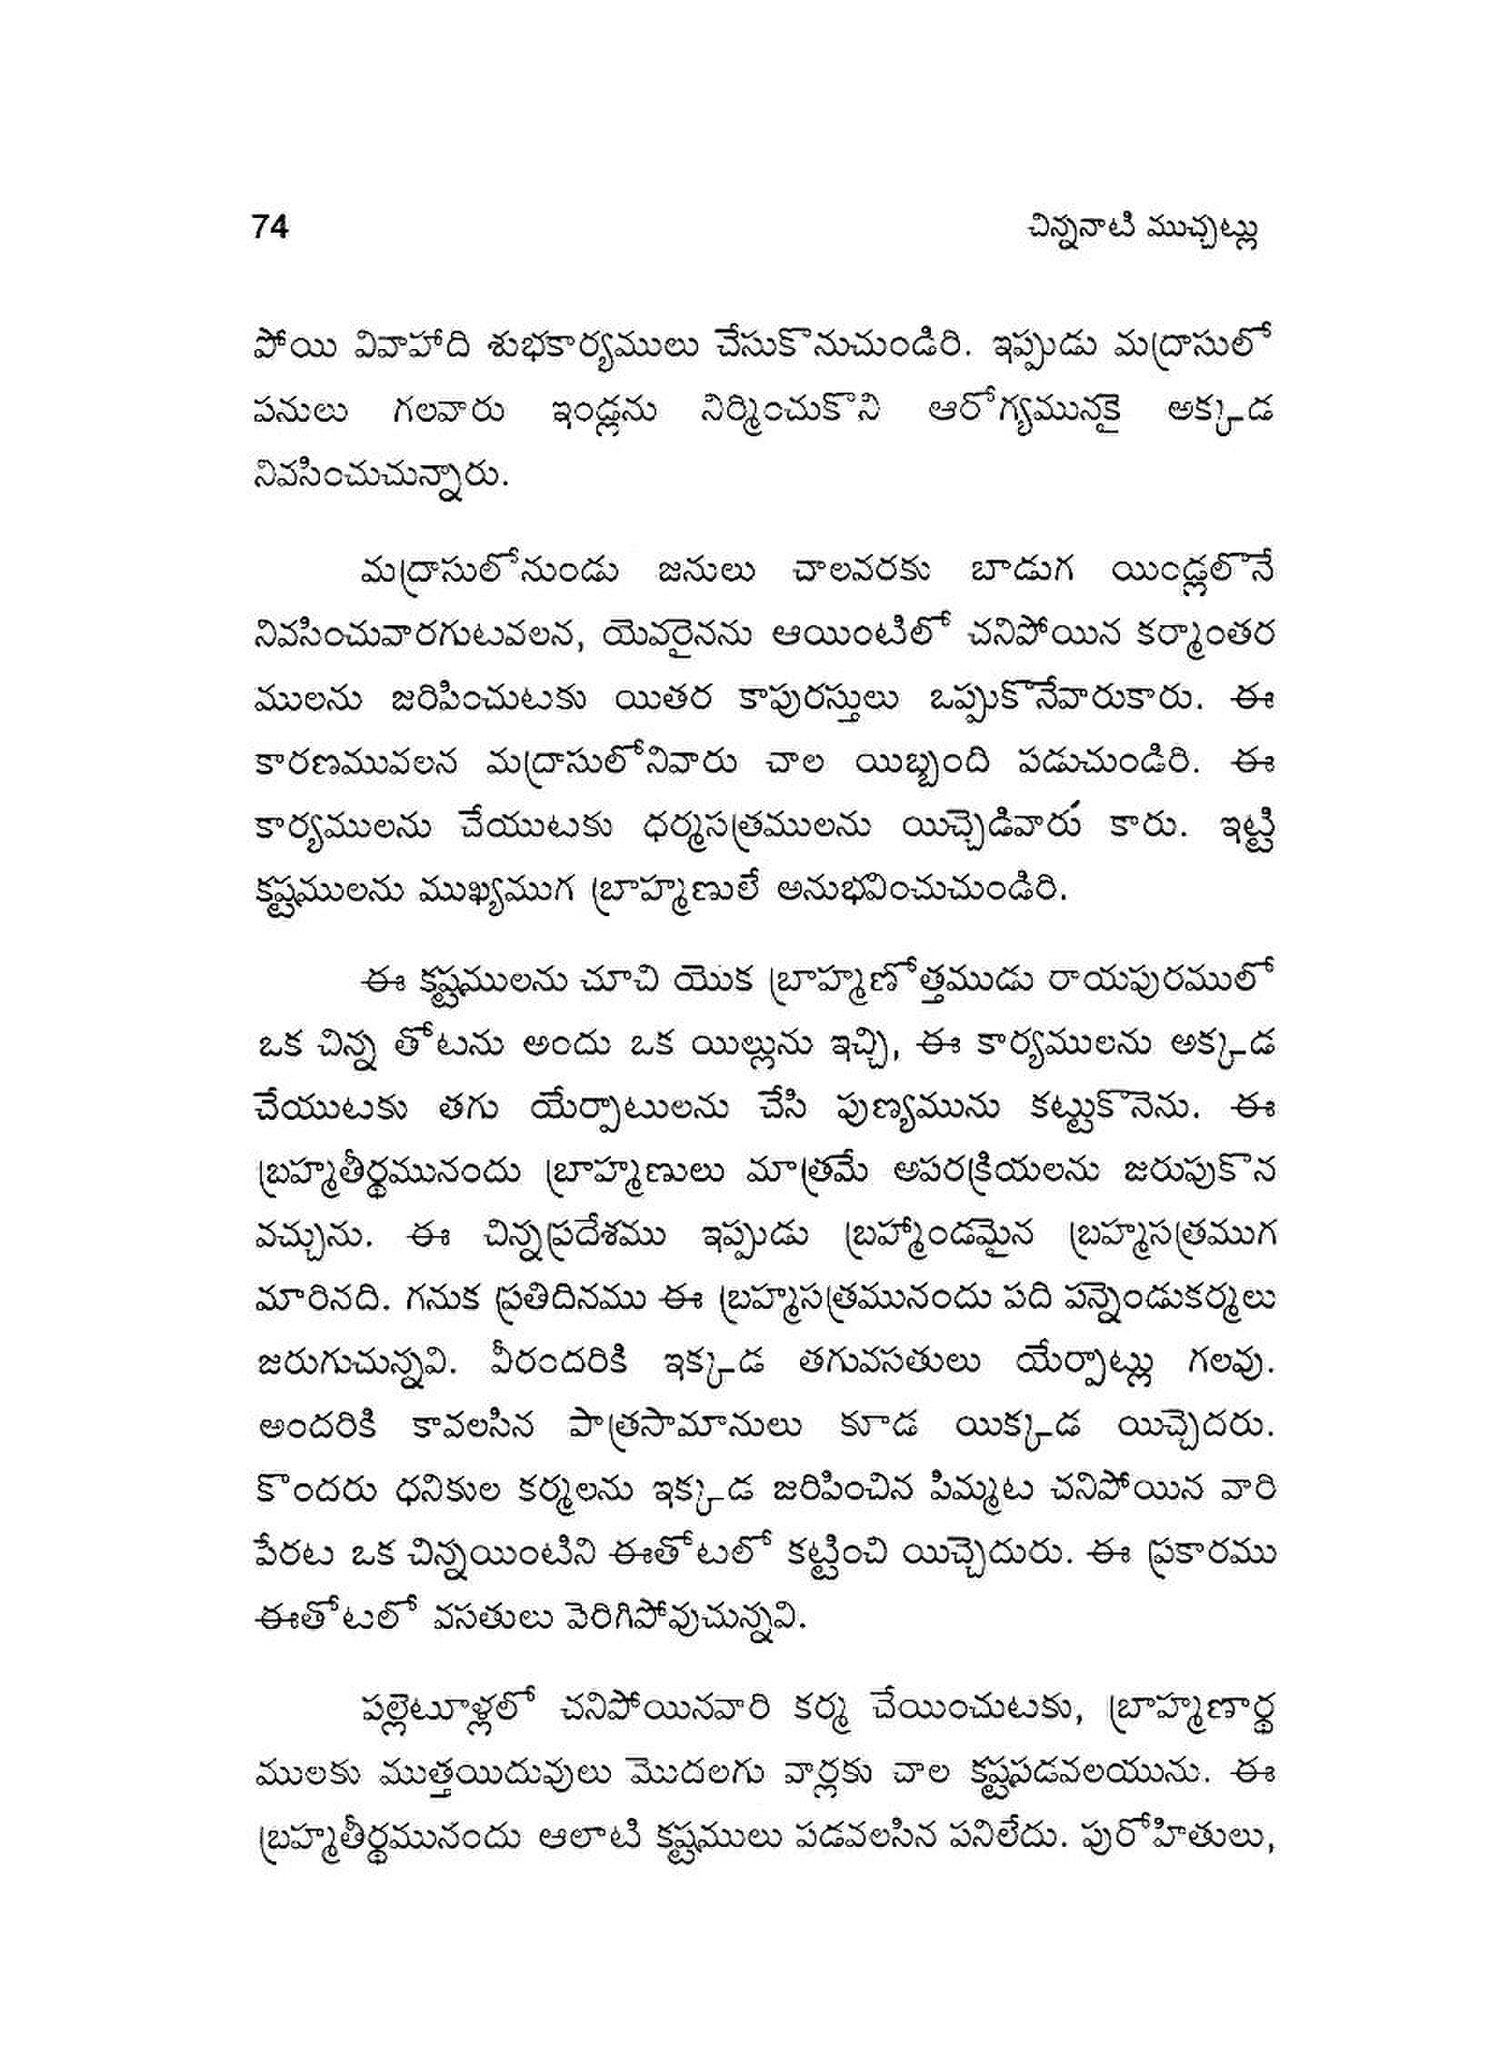పోయి వివాహాది శుభకార్యములు చేసుకొనుచుండిరి. ఇప్పడు మద్రాసులో పనులు గలవారు ఇండ్లను నిర్మించుకొని ఆరోగ్యమునకై అక్కడ నివసించుచున్నారు.

మద్రాసులోనుండు జనులు చాలవరకు బాడుగ యిండ్లలోనే నివసించువారగుటవలన, యెవరైనను ఆయింటిలో చనిపోయిన కర్మాంతరములను జరిపించుటకు యితర కాపురస్తులు ఒప్పకొనేవారుకారు. ఈ కారణమువలన మద్రాసులోనివారు చాల యిబ్బంది పడుచుండిరి. ఈ కార్యములను చేయుటకు ధర్మసత్రములను యిచ్చెడివారు కారు. ఇట్టి కష్టములను ముఖ్యముగ బ్రాహ్మణులే అనుభవించుచుండిరి.

ఈ కష్టములను చూచి యొక బ్రాహ్మణోత్తముడు రాయపురములో ఒక చిన్న తోటను అందు ఒక యిల్లును ఇచ్చి, ఈ కార్యములను అక్కడ చేయుటకు తగు యేర్పాటులను చేసి పుణ్యమును కట్టుకొనెను. ఈ బ్రహ్మతీర్ధమునందు బ్రాహ్మణులు మాత్రమే అపరక్రియలను జరుపుకొన వచ్చును. ఈ చిన్నప్రదేశము ఇప్పడు బ్రహ్మాండమైన బ్రహ్మసత్రముగ మారినది. గనుక ప్రతిదినము ఈ బ్రహ్మసత్రమునందు పది పన్నెండుకర్మలు జరుగుచున్నవి. వీరందరికి ఇక్కడ తగువసతులు యేర్పాట్లు గలవు. అందరికి కావలసిన పాత్రసామానులు కూడ యిక్కడ యిచ్చెదరు. కొందరు ధనికుల కర్మలను ఇక్కడ జరిపించిన పిమ్మట చనిపోయిన వారి పేరట ఒక చిన్నయింటిని ఈతోటలో కట్టించి యిచ్చెదురు. ఈ ప్రకారము ఈతోటలో వసతులు పెరిగిపోవుచున్నవి.

పల్లెటూళ్లలో చనిపోయినవారి కర్మ చేయించుటకు, బ్రాహ్మణార్ధములకు ముత్తయిదువులు మొదలగు వార్లకు చాల కష్టపడవలయును. ఈ బ్రహ్మతీర్ధమునందు ఆలాటి కష్టములు పడవలసిన పనిలేదు. పురోహితులు,